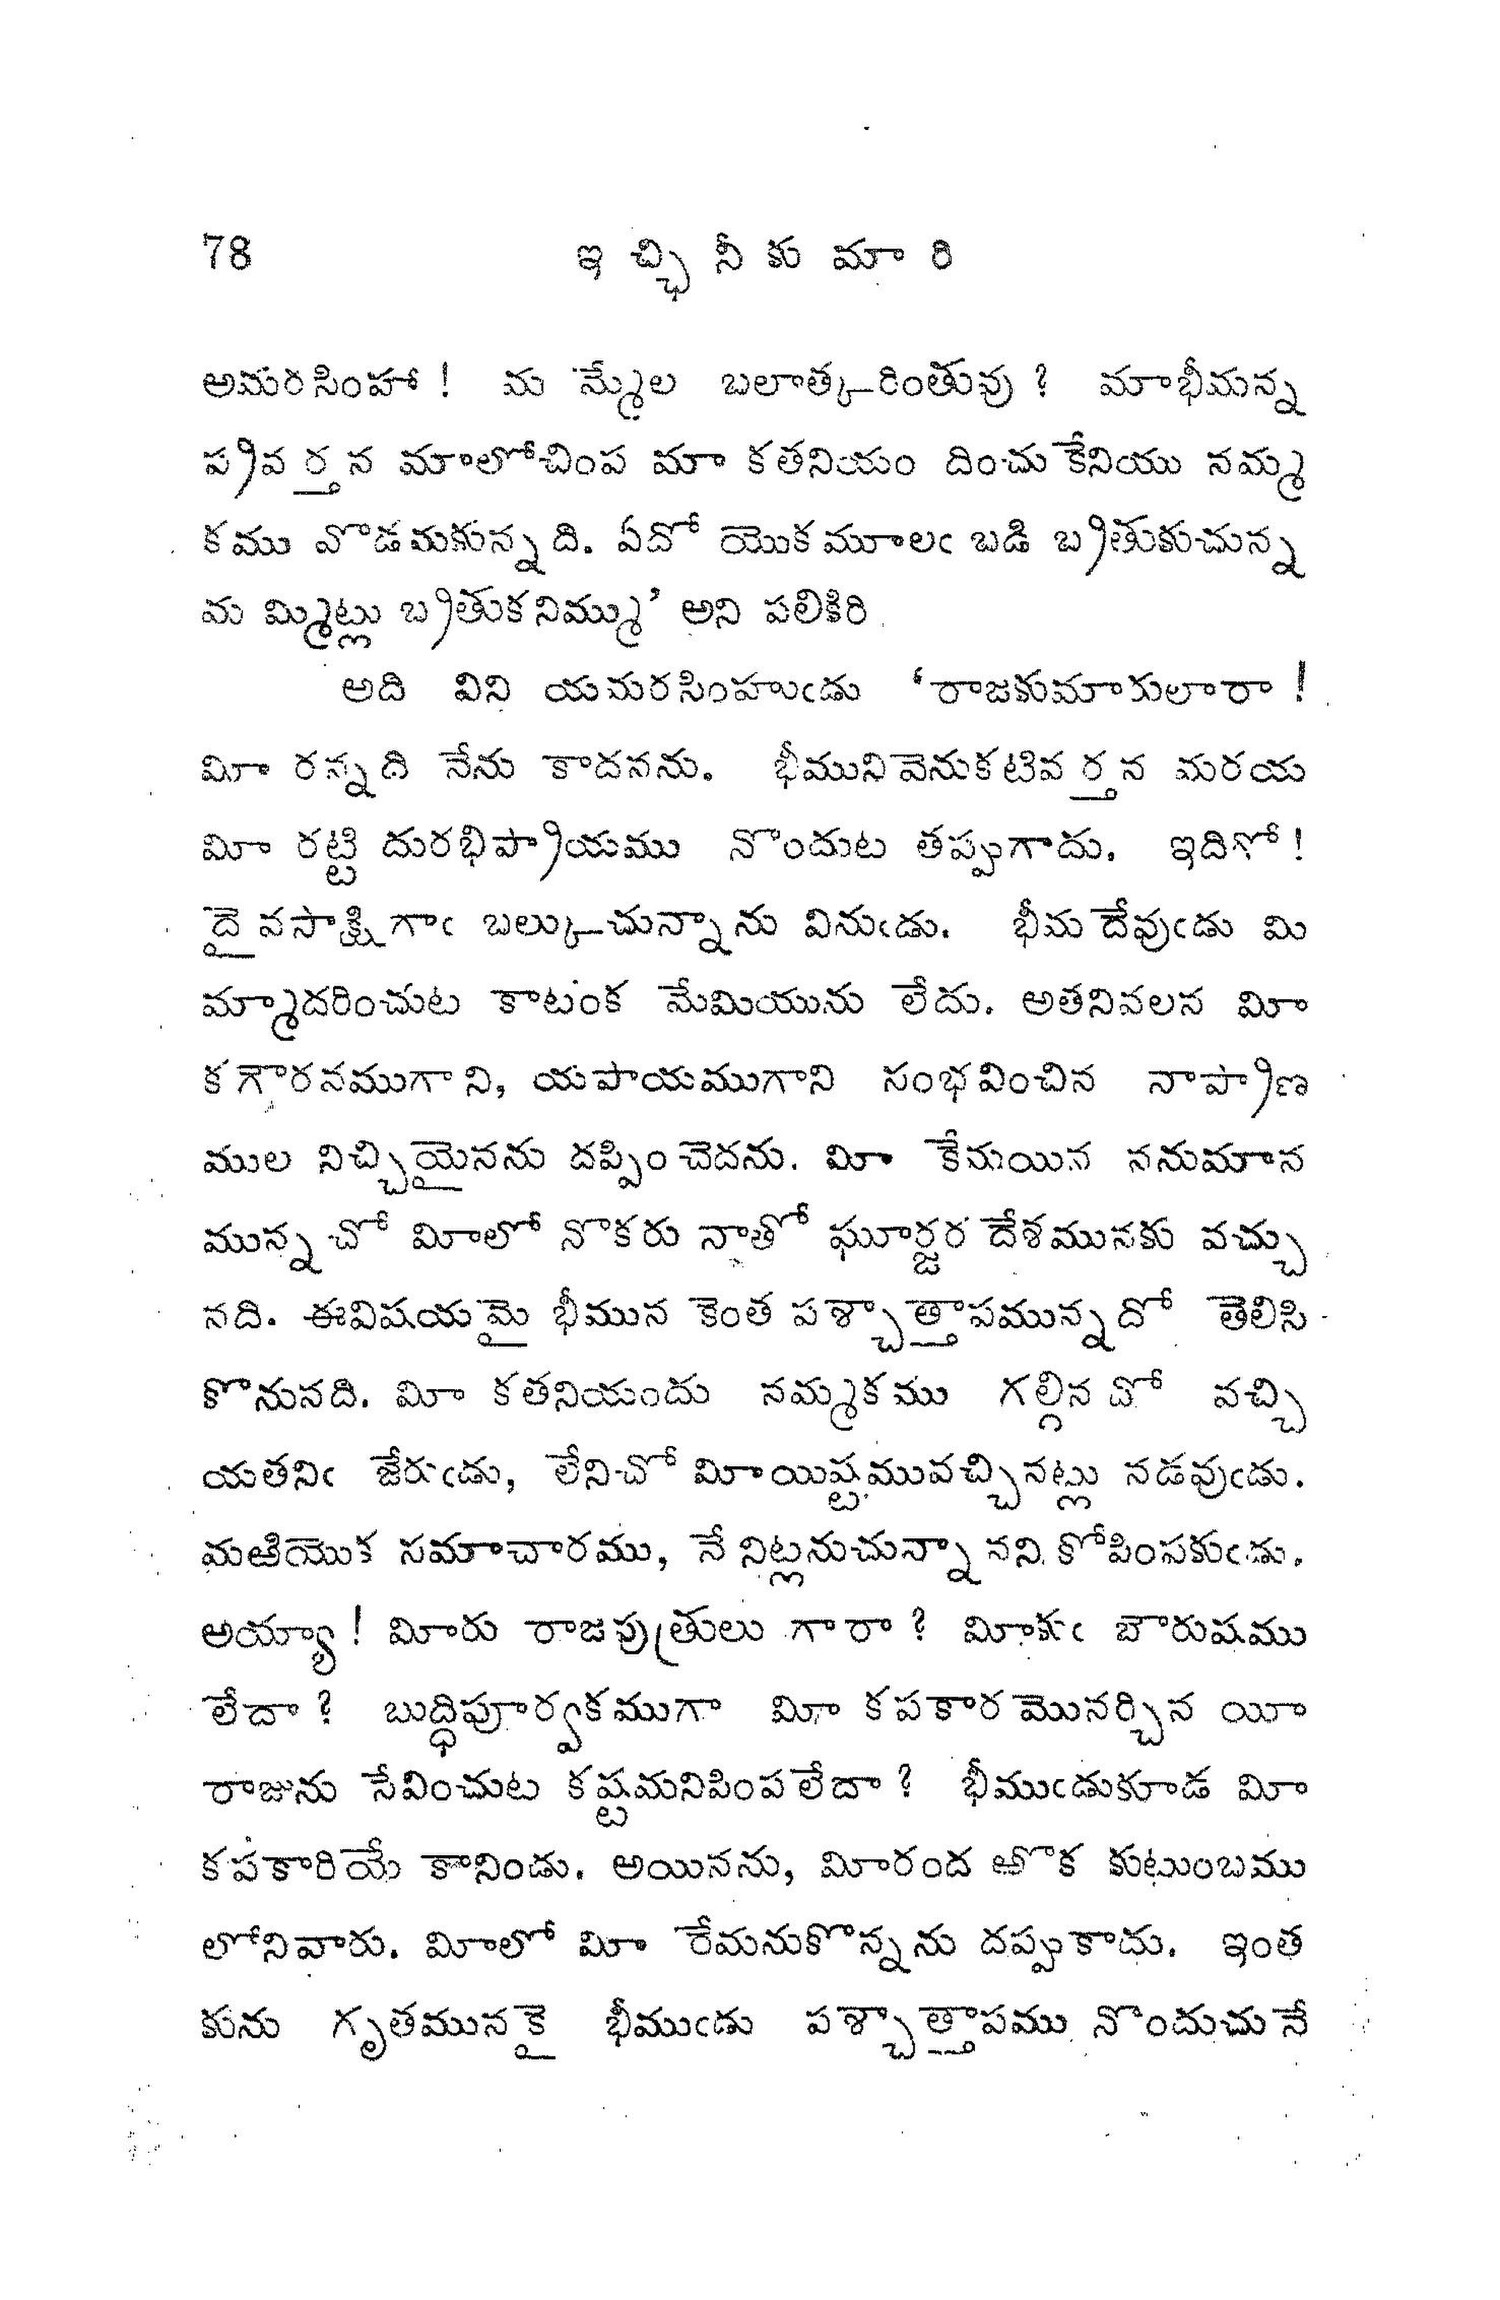అమరసింహా! మ మ్మేల బలాత్కరింతువు! మాభీమన్న ప్రవర్తన మాలోచింప మా కతనియుం దించుకేనియు నమ్మకము వొడమకున్నది. ఏదో యొకమూలఁ బడి బ్రతుకుచున్న మ మ్మిట్లు బ్రతుకనిమ్ము' అని పలికిరి.

అది విని యమరసింహుఁడు 'రాజకుమారులారా! మీ రన్నది నేను కాదనను. భీముని వెనుకటివర్తన మరయ మీ రట్టి దురభిప్రాయము నొందుట తప్పుగాదు. ఇదిగో! దైవసాక్షిగాఁ బల్కుచున్నాను వినుఁడు. భీమదేవుఁడు మి మ్మాదరించుట కాటంక మేమియును లేదు. అతనివలన మీ కగౌరవముగాని, యపాయముగాని సంభవించిన నాప్రాణముల నిచ్చియైనను దప్పించెదను. మీ కేమయిన ననుమాన మున్నచో మీలో నొకరు నాతో ఘూర్జరదేశమునకు వచ్చునది. ఈ విషయమై భీమున కెంత పశ్చాత్తాపమున్నదో తెలిసికొనునది. మీ కతనియందు నమ్మకము గల్గినచో వచ్చి యతనిఁ జేరుఁడు, లేనిచో మీయిష్టమువచ్చినట్లు నడవుఁడు. మఱియొక సమాచారము, నే నిట్లనుచున్నానని కోపింపకుఁడు. అయ్యా! మీరు రాజపుత్రులు గారా? మీకుఁ బౌరుషము లేదా? బుద్ధిపూర్వకముగా మీ కపచార మొనర్చిన యీరాజును సేవించుట కష్టమనిపింపలేదా? భీముఁడుకూడ మీ కపకారియే కానిండు. అయినను, మీరంద ఱొకకుటుంబములోనివారు. మీలో మీ రేమనుకొన్నను దప్పుకాదు. ఇంతకును గృతమునకై భీముఁడు పశ్చాత్తాపము నొందుచునే